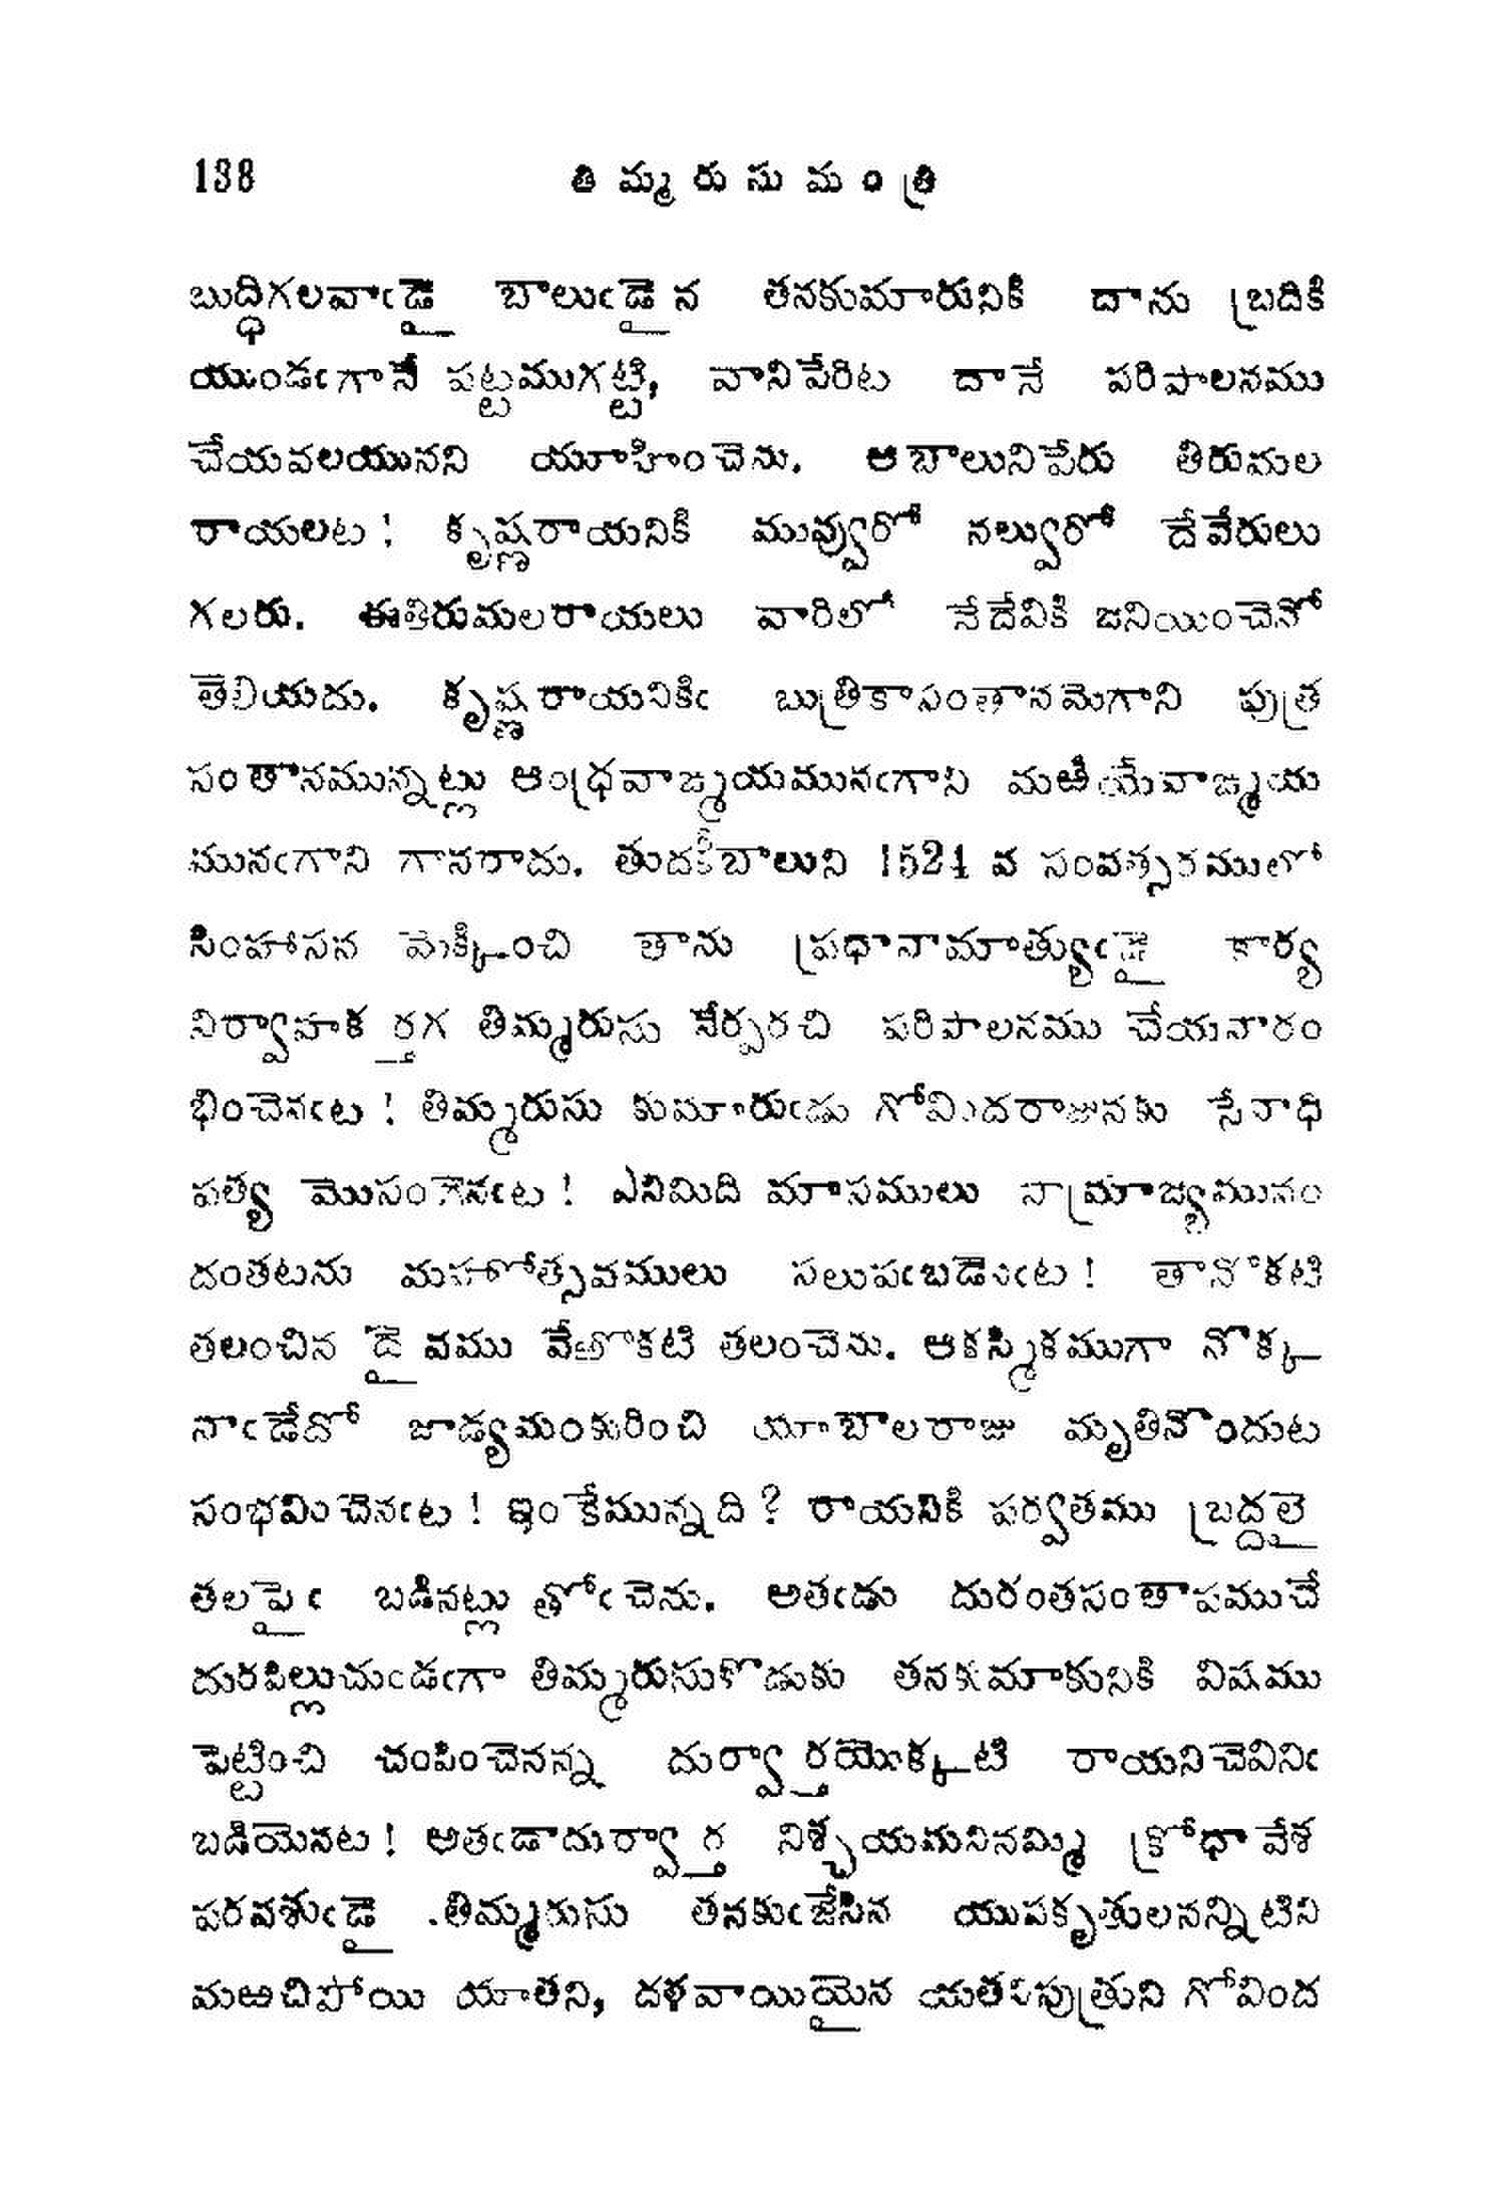బుద్ధిగలవాఁడై బాలుఁడైన తనకుమారునికి దాను బ్రదికియుండఁగానే పట్టముగట్టి, వానిపేరిట దానే పరిపాలనము చేయవలయునని యూహించెను. ఆబాలునిపేరు తిరుమలరాయలట! కృష్ణరాయనికి మువ్వురో నల్వురో దేవేరులు గలరు. ఈతిరుమలరాయలు వారిలో నేదేవికి జనియించెనో తెలియదు. కృష్ణరాయనికి బుత్రికాసంతానమెగాని పుత్ర సంతానమున్నట్లు ఆంధ్రవాఙ్మయమునఁగాని మఱియేవాఙ్మయమునఁగాని గానరాదు. తుదకీబాలుని 1524 వ సంవత్సరములో సింహాసన మెక్కించి తాను ప్రధానామాత్యుఁడై కార్యనిర్వాహకర్తగ తిమ్మరుసు నేర్పరచి పరిపాలనము చేయనారంభించెనఁట ! తిమ్మరుసు కుమారుఁడు గోవిందరాజునకు సేనాధిపత్య మొసంగెనఁట ! ఎనిమిది మాసములు సామ్రాజ్యమునం దంతటను మహోత్సవములు సలుపఁబడెనఁట! తానొకటి తలంచిన దైవము వేఱొకటి తలంచెను. ఆకస్మికముగా నొక్క నాఁడేదో జాడ్యమంకురించి యాబాలరాజు మృతినొందుట సంభవించెనఁట ! ఇంకేమున్నది? రాయనికి పర్వతము బ్రద్దలై తలపైఁ బడినట్లు తోఁచెను. అతఁడు దురంతసంతాపముచే దురపిల్లుచుండగా తిమ్మరుసుకొడుకు తనకుమారునికి విషము పెట్టించి చంపించెనన్న దుర్వార్తయొక్కటి రాయనిచెవినిఁ బడియెనట ! అతఁడాదుర్వార్త నిశ్చయమనినమ్మి క్రోధావేశ పరవశుఁడై తిమ్మరుసు తనకుఁజేసిన యుపకృతులనన్నిటిని మఱచిపోయి యాతని, దళవాయియైన యతనిపుత్రుని గోవింద